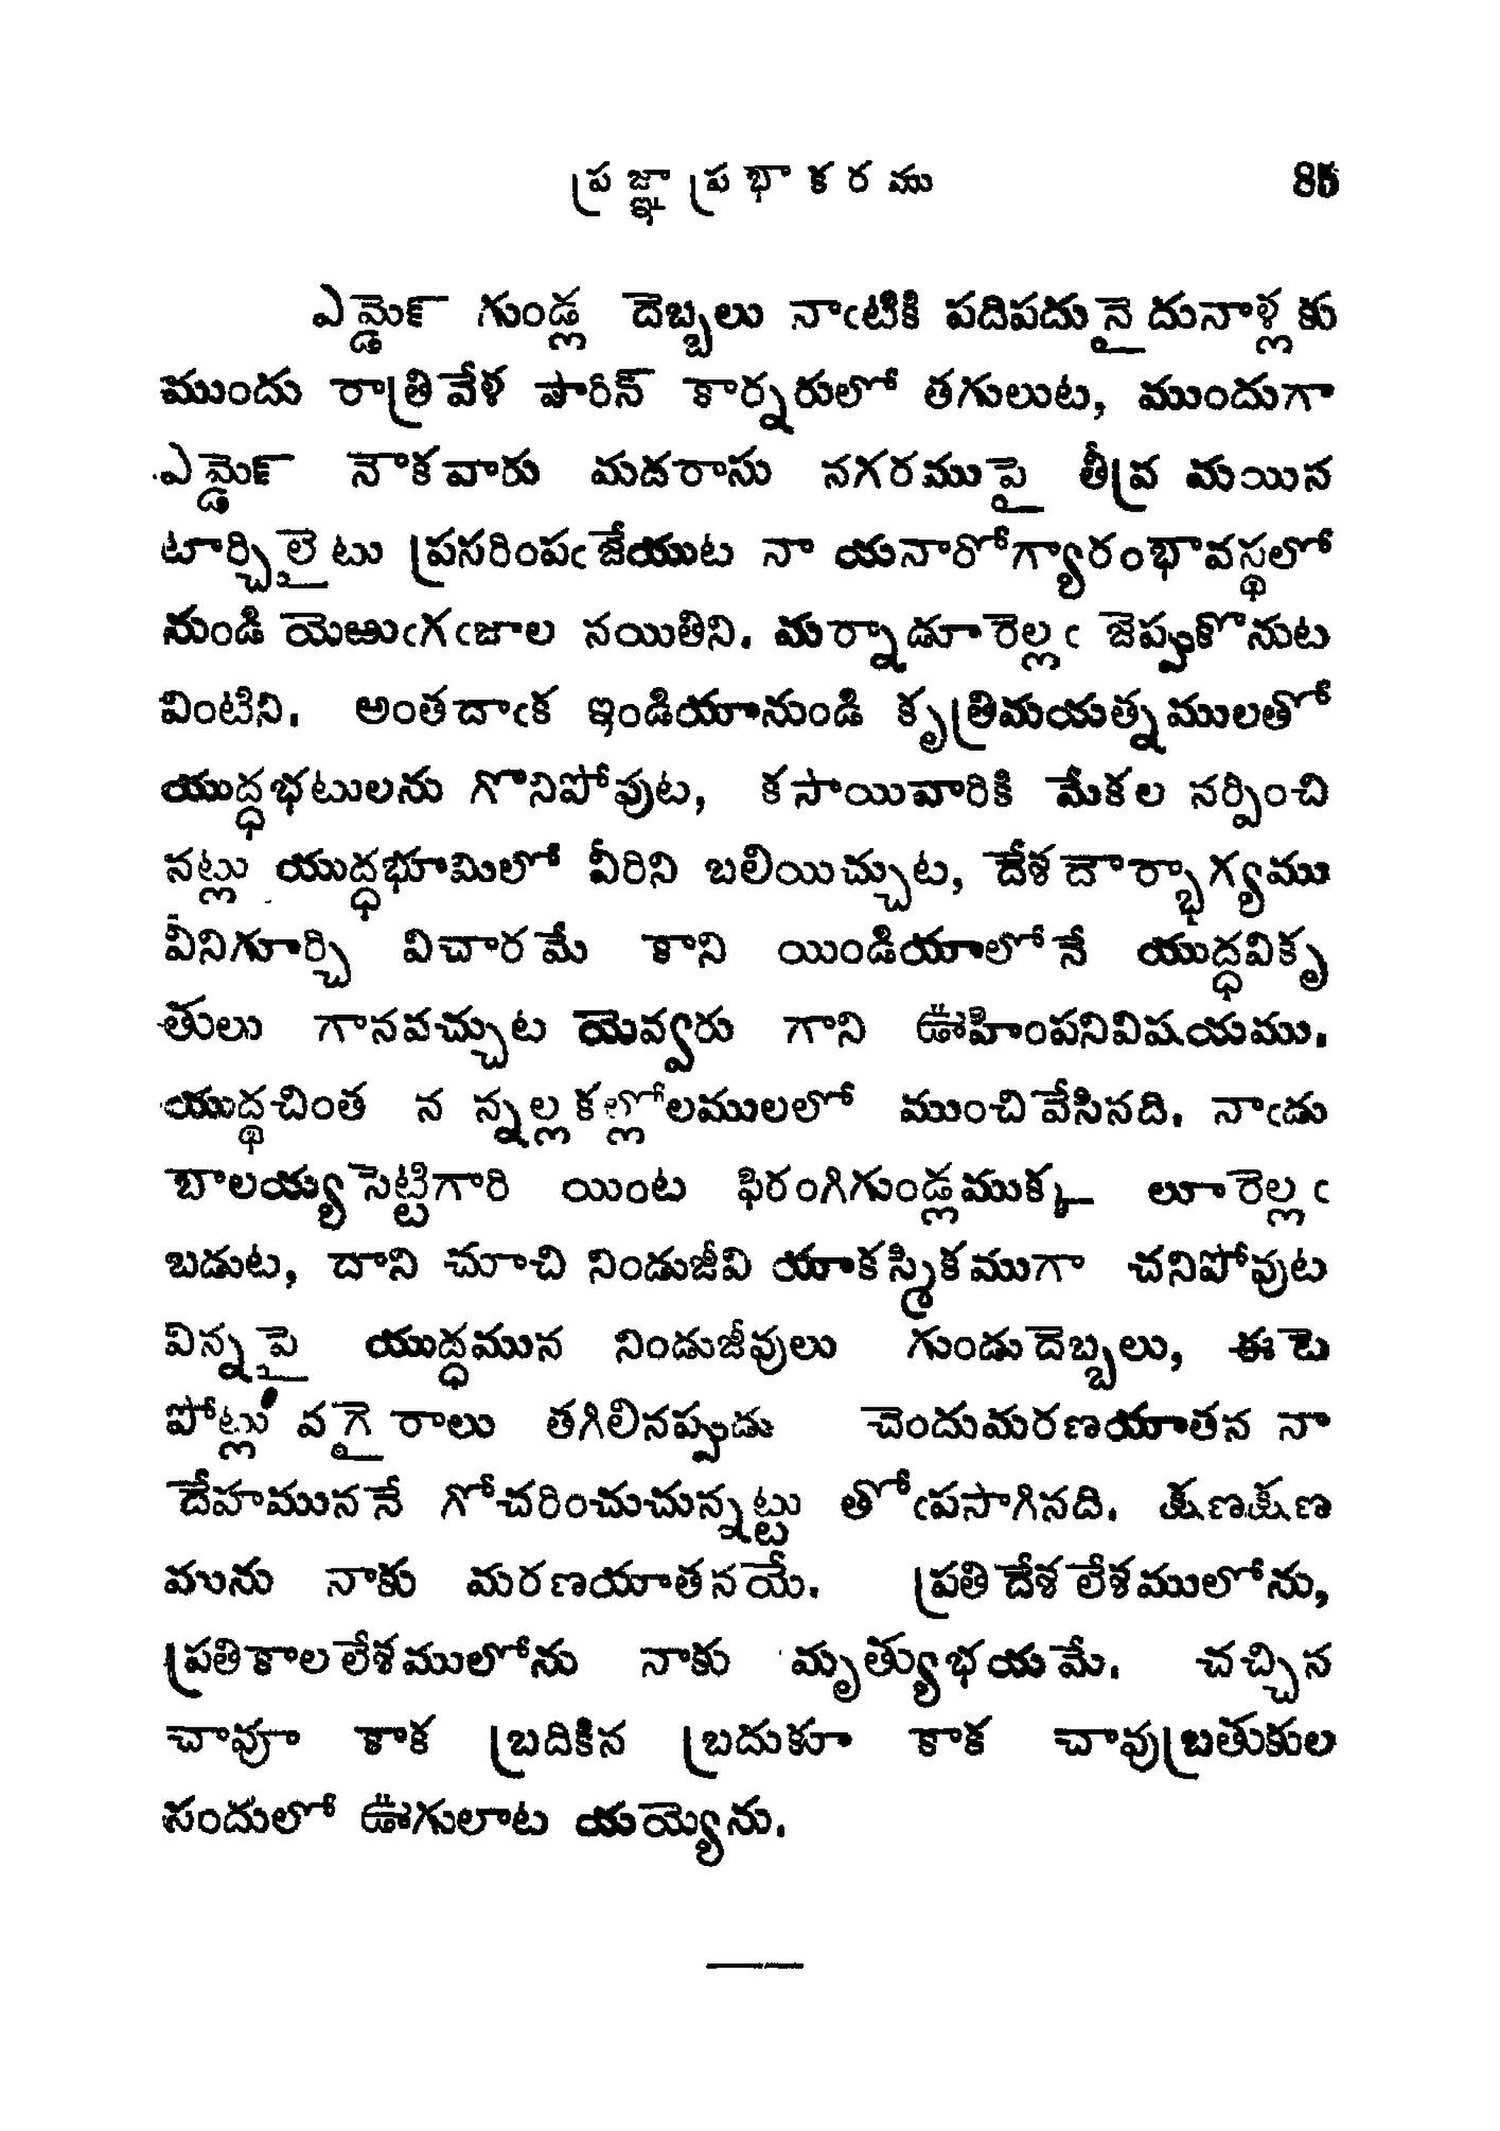ఎమ్డెన్ గుండ్ల దెబ్బలు నాటికి పదిపదునైదునాళ్ళకు ముందు రాత్రి వేళ
పారిస్ కార్నరులో తగులుట, ముందుగా ఎమ్డెన్ నౌకవారు మదరాసు నగరముప్తె తీవ్రమయిన టార్చిలైటు ప్రసరింపజేయుట నాయనారోగ్యారంభావస్ధలో నుండి యెఱుగజాల నయితిని, మర్నాడు రెల్ల జెప్ప కొనుట వింటిని. అంతదాక ఇండియానుండి కృత్రిమయత్నములతో యుద్దభటులను గొనిపోవుట, కసాయివారికి మేకల నర్పించినట్లు యుద్దభూమిలో వీరిని బలియిచ్చుట, దేశ దౌర్భాగ్యము వినిగూర్చి విచారమే కాని ఇండియాలోనే యుద్దవికృతులు గానవచ్చుట యెవ్వరు గాని ఊహింపని విషయము, యుద్దచింత నన్నల్ల కల్లోలములలో ముంచి వేసి నది, నాడు బాలయ్య సెట్టిగారి యింట ఫిరంగిగుండ్లముక్క లూరెల్ల బడుట దాని చూచి నిండు జివి యాకస్మికముగా చనిపోవుట వినప్తె యుద్దమున నిండుజివులు గుండు దెబ్బలు, ఈటే పోట్లు వాగ్తెరాలు తగిలినప్పుడు చెందు మరణయాతన నా దేహముననే గోచరించుచున్నట్టు తోపసాగినది. క్షణ క్షణమును నాకు మరణయతనయే, ప్రతిదేశలేశములోను, ప్రతికాలలేశములోను నాకు మృత్యుభయమే, చచ్చిన చావూ కాక బ్రదికిన బ్రదుకు కాక చావుబ్రతుకుల సందులో ఊగులాట యయ్యెను.